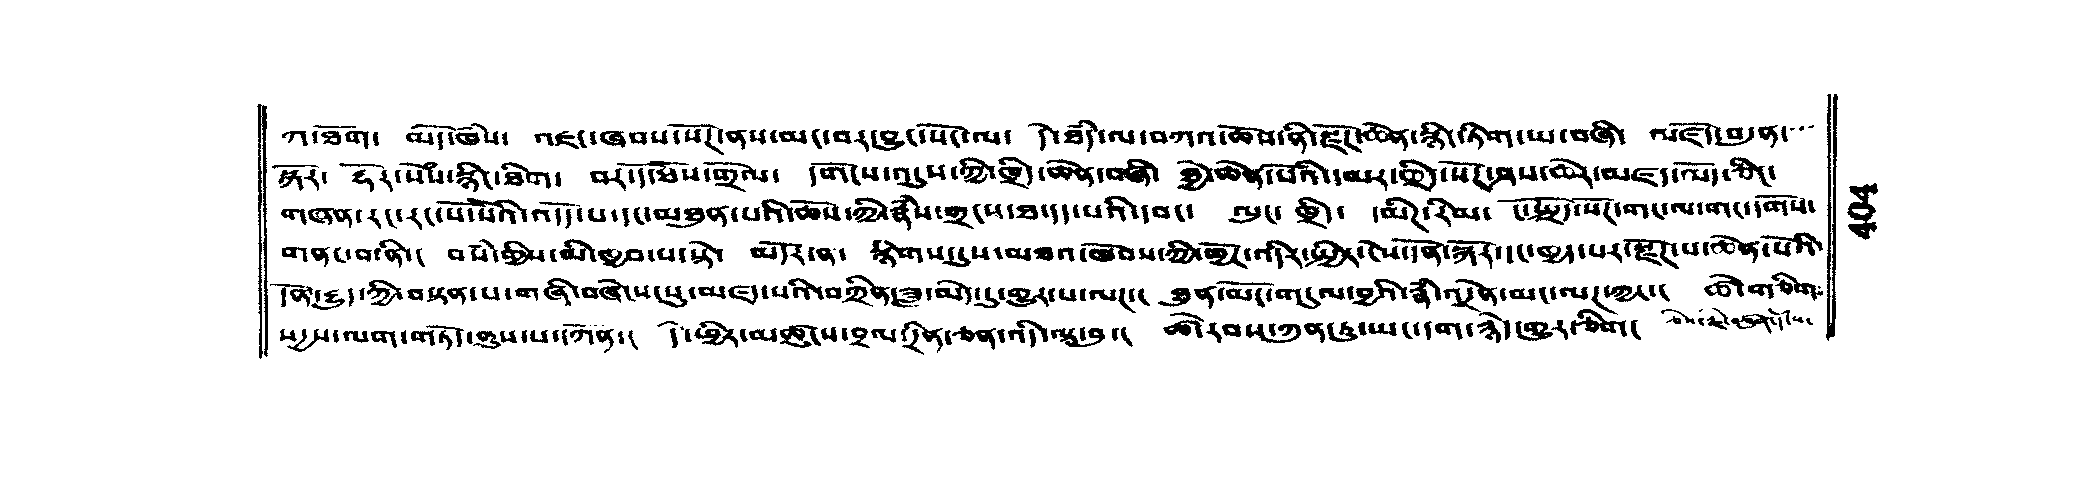ཀཿཐོག མདོ་ཁམས། འཇང་ཞབས་སོགས་ནས་མང་བར་བྱུང་སོང་ལ། དེ་ཐམས་ཅད་ལ་བཀའ་ཆོས་ནི་རྫོགས་ཆེན་སྙིང་ཏིག་ཡ་བཞི། མཛོད་བདུན་
སྐོར། རྡོར་སེམས་སྙིང་ཐིག བར་དོ་ཐོས་གྲོལ། དགོངས་འདུས་ཀྱི་ཁྲིད་ཆེན་བཞི། ཐུགས་རྗེ་ཆེན་པོའི་དམར་ཁྲིད་སོགས་ཤས་ཆེ་མཛད་མོད་ཅིང་། 
གཞན་རང་རང་སོ་སོའི་འདོད་པ་དང་མཐུན་པའི་ཆོས་ཀྱི་རྣམ་གྲངས་ཐ་དད་པའི་དབང་། ལུང་། ཁྲིད། དམིགས་རིམ། ངོ་སྤྲོད་སོགས་གང་ལ་གང་དགོས་
གནང་བ་ནི་བསམ་གྱིས་མི་ཁྱབ་པ་སྟེ། མདོར་ན། སྙིགས་དུས་མཐའ་ཁོབ་ཀྱི་ཕྱོགས་འདིར་སྤྱིར་ངེས་དོན་སྐོར་དང་ཁྱད་པར་རྫོགས་པ་ཆེན་པོའི་
དོན་རྒྱུད་ཀྱི་བསྟན་པ་གཞིར་བཞེངས་སུ་མཛད་པའི་བཀའ་དྲིན་ཟླ་མེད་དུ་གྱུར་པ་ལགས།། ཐུན་མོང་གདུལ་བྱའི་རྣམ་འདྲེན་མང་ལགས་ཀྱང་། །ཚེ་གཅིག་
སངས་རྒྱས་ལག་གཏོད་ནུས་པ་དཀོན། །དེ་ཕྱིར་མཚུངས་བྲལ་དྲིན་ཅན་འདི་ལྟ་བུ། །ཚེ་རབས་ཀུན་ཏུ་ཡང་དག་བརྙེད་གྱུར་ཅིག།ཅེས་རྗེ་བཙུན་དམ་པ་